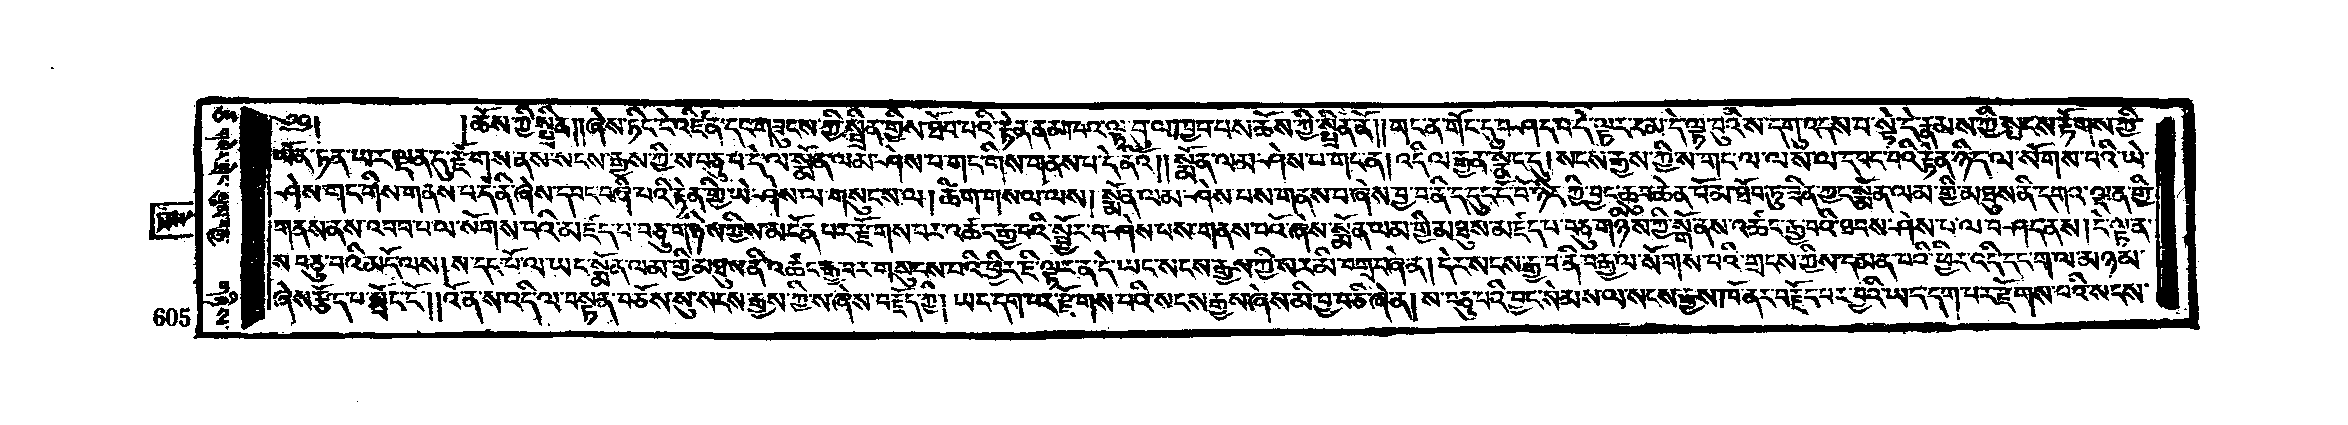༄༅། །ཆོས་ཀྱི་སྤྲིན། །ཞེས་ཏིང་ངེ་འཛིན་དང་གཟུངས་ཀྱི་སྤྲིན་གྱིས་ཐོབ་པའི་རྟེན་ནམ་མཁའ་ལྟ་བུ་ལ་ཁྱབ་པས་ཆོས་ཀྱི་སྤྲིན་ནོ། །གང་ན་གོང་དུ་བཤད་པ་དེ་ལྟར་རམ་དེ་ལྟ་བུའི་ས་དགུ་འདས་པ་སྟེ་དེ་རྣམས་ཀྱི་སྤངས་རྟོགས་ཀྱི་
ཡོན་ཏན་ཡར་ལྡན་དུ་རྫོགས་ནས་སངས་རྒྱས་ཀྱི་ས་བཅུ་པ་དེ་ལ་སྨོན་ལམ་ཤེས་པ་གང་གིས་གནས་པ་དེ་ནའོ། །སྨོན་ལམ་ཤེས་པ་གང་ན། འདི་ལ་རྒྱན་སྣང་དུ། སངས་རྒྱས་ཀྱི་ས་གང་ལ་ལས་ལ་དབང་བའི་རྟེན་ཉིད་ལ་སོགས་པའི་ཡེ་
ཤེས་གང་གིས་གནས་པ་དེ་ནི་ཞེས་དབང་བཞི་པའི་རྟེན་གྱི་ཡེ་ཤེས་ལ་གསུངས་ལ། ཚིག་གསལ་ལས། སྨོན་ལམ་ཤེས་པས་གནས་པ་ཞེས་བྱ་བ་ནི་ད་དུང་ངོ་བོ་ཉིད་ཀྱི་བྱང་ཆུབ་ཆེན་པོ་མ་ཐོབ་ཏུ་ཟིན་ཀྱང་སྨོན་ལམ་གྱི་མཐུས་ནི་དགའ་ལྡན་གྱི་
གནས་ནས་འབབ་པ་ལ་སོགས་པའི་མཛད་པ་བཅུ་གཉིས་ཀྱིས་མངོན་པར་རྫོགས་པར་འཚང་རྒྱ་བའི་སྦྱོར་བ་ཤེས་པས་གནས་པའོ་ཞེས་སྨོན་ལམ་གྱི་མཐུས་མཛད་པ་བཅུ་གཉིས་ཀྱི་སྒོ་ནས་འཚང་རྒྱ་བའི་ཐབས་ཤེས་པ་ལ་བཤད་ནས། དེ་ལྟ་ན་
ས་བཅུ་པའི་མདོ་ལས། ས་དང་པོ་ལ་ཡང་སྨོན་ལམ་གྱི་མཐུས་ནི་འཚང་རྒྱ་བར་གསུངས་པའི་ཕྱིར་ཇི་ལྟར་ན་དེ་ཡང་སངས་རྒྱས་ཀྱི་སར་མི་བགྲང་ཞེ་ན། དེར་སངས་རྒྱས་རྒྱ་བ་ནི་བརྒྱ་ལ་སོགས་པའི་གྲངས་ཀྱིས་དམན་པའི་ཕྱིར་འདི་དང་ག་ལ་མཉམ་
ཞེས་རྩོད་པ་སྤོང་ངོ། །འོ་ན་ས་འདི་ལ་བསྟན་བཅོས་སུ་སངས་རྒྱས་ཀྱི་ས་ཞེས་བརྗོད་ཀྱི། ཡང་དག་པར་རྫོགས་པའི་སངས་རྒྱས་ཞེས་མི་བྱ་བ་ཅི་ཞེ་ན། ས་བཅུ་པའི་བྱང་སེམས་ལ་སངས་རྒྱས་ཁོ་ནར་བརྗོད་པར་བྱའི་ཡང་དག་པར་རྫོགས་པའི་སངས་